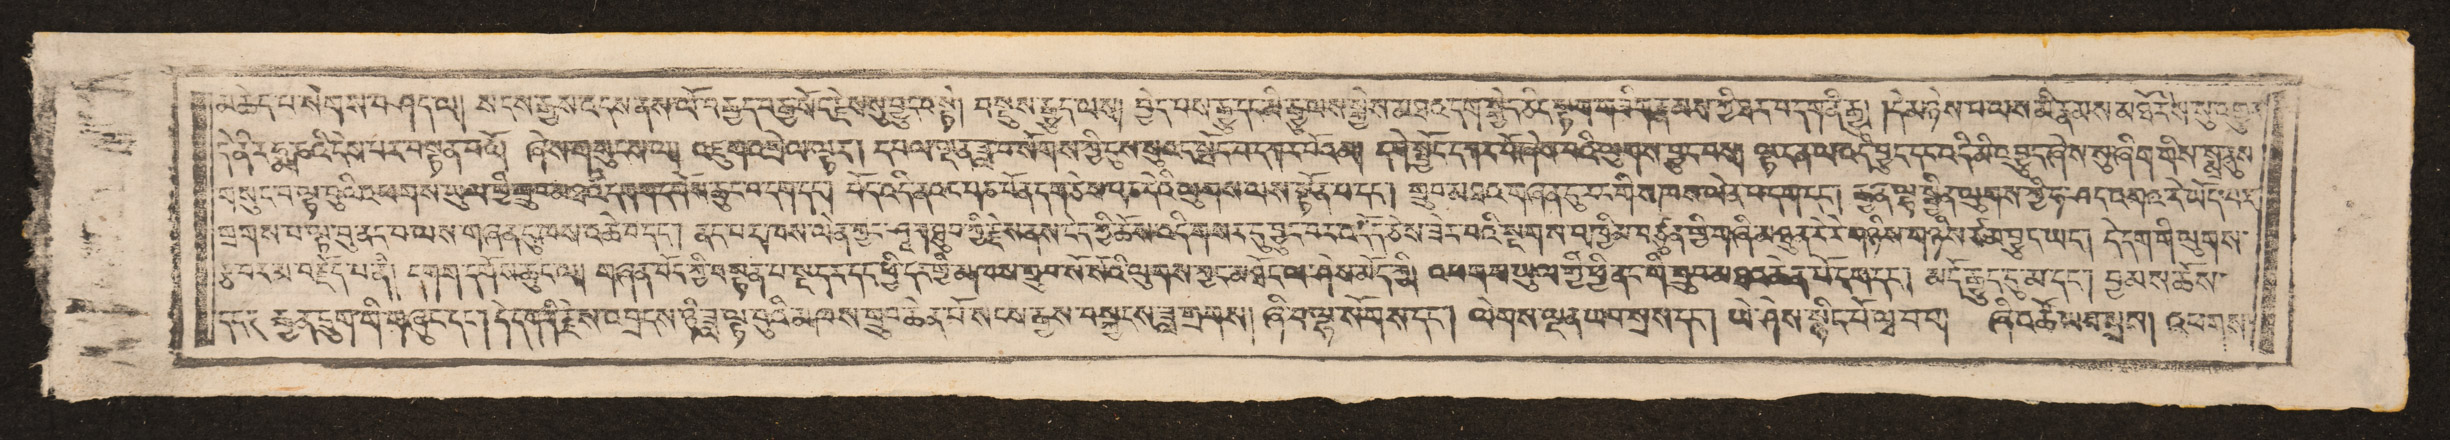མཆེད་པ་སོགས་བཤད་ལ། སངས་རྒྱས་འདས་ནས་ལོ་བརྒྱད་བརྒྱ་སོང་རྗེས་སུ་བྱུང་བ་སྟེ། བསྡུས་རྒྱུད་ལས། བྱེད་པས་རྒྱུ་དང་མི་རྒྱུ་ལས་སྐྱེས་མཐའ་དག་སྐྱེད་ཅིང་སྟག་གཟིག་རྣམས་ཀྱི་ཐར་པ་དག་ནི་རྒྱུ། །དེ་མཉེས་པ་ལས་མི་རྣམས་མཐོ་རིས་སུ་འགྱུར་
དེ་ནི་རཧྨ་ཎའི་ངེས་པར་བསྟན་པའོ། ཞེས་གསུངས་ལ། འཇུག་འགྲེལ་ལྟར། དཔལ་ལྡན་ཟླ་བ་སོགས་ཀྱི་དུས་སུའང་སྤོང་བ་དཀར་པོའམ། དགེ་སྦྱོད་དཀར་པོ་ཞེས་པའི་ལུགས་བྱུང་བས། ལྟ་ངན་ལ་འདི་བྱུང་དང་འདི་མི་འབྱུང་ཞེས་སུ་ཞིག་གིས་སྨྲ་ནུས་
གསུང་བ་ལྟ་བུའི་འཕགས་ཡུལ་གྱི་གྲུབ་མཐའི་དགག་དགོས་ཆུང་བ་དག་དང་། བོད་འདི་ནའང་པཎ་པོན་དག་ཅེས་པཎ་དེའི་ལུགས་ལས་སྟོན་པ་དང་། གྲུབ་མཐའ་གཞན་དུ་རང་གིས་ཁས་ལེན་པ་དག་དང་། རྒྱན་ལྷ་སྦྱིན་ལུགས་ཀྱི་ཧ་ཤད་འགའ་རེ་ཡོད་པར་
གྲགས་པ་ལྟ་བུ་ནང་བ་ལས་གཞན་དུ་ཁས་འཆེ་བ་དང་། ནང་པར་ཁས་ལེན་ཀྱང་ཤཱཀ་ཐུབ་ཀྱི་རྗེས་ནས་ངེད་ཀྱི་ཆོས་འདི་གསར་དུ་བྱུང་བར་འདོད་ཅེས་ཟེར་བའི་སྔགས་པ་ཁྱིམ་བཙུན་གྱི་གཞི་མཐུན་རེ་རེ་གཉིས་གཉིས་ཙམ་བྱུང་ཡང་། དེ་དག་གི་ལུགས་
རྩ་བར་མ་བརྗོད་པ་ནི། དགག་དགོས་ཆུང་ལ། གཞན་བོད་ཀྱི་བསྟན་པ་སྔ་དར་དང་ཕྱི་དར་གྱི་མཁས་གྲུབ་སོ་སོའི་ལུགས་ཀྱང་མཐོང་ལ་ཤེས་མོད་ཀྱི། འཕགས་ཡུལ་གྱི་ཕྱི་ནང་གི་གྲུབ་མཐའ་ཆེན་པོ་དག་དང་། མདོ་རྒྱུད་དུ་མ་དང་། བྱམས་ཆོས་
དང༑ རྒྱན་དྲུག་གི་གཞུང་དང་། དེ་དག་གི་རྗེས་འབྲངས་ཉི་ཟླ་ལྟ་བུའི་མཁས་གྲུབ་ཆེན་པོ་སངས་རྒྱས་བསྐྱངས་ཟླ་གྲགས། ཞི་བ་ལྷ་སོགས་དང་། ལེགས་ལྡན་ཡབ་སྲས་དང་། ཡེ་ཤེས་སྙིང་པོ་ལྭ་བ་པ། ཞི་འཚོ་ཡབ་སྲས། འཕགས་